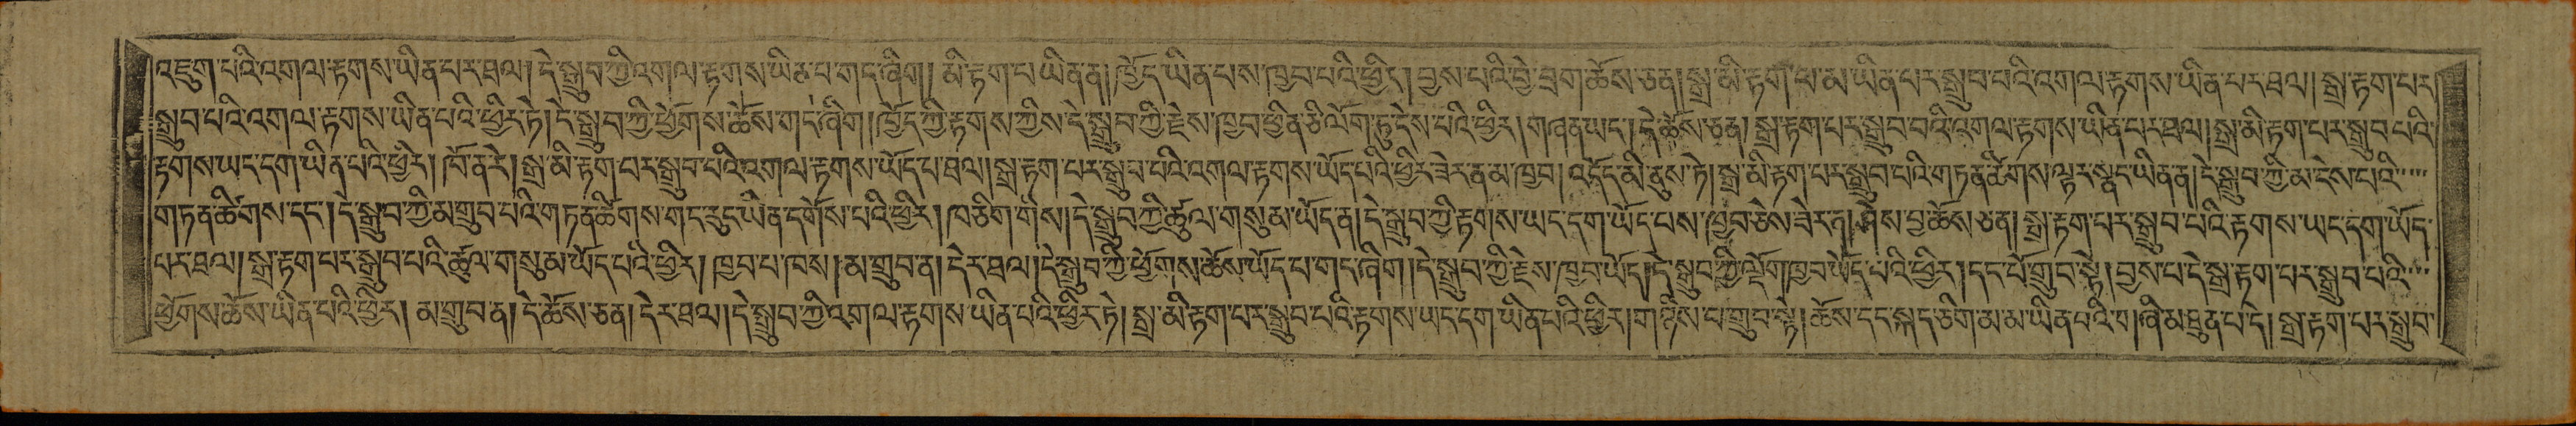འཇུག་པའི་འགལ་རྟགས་ཡིན་པར་ཐལ། དེ་སྒྲུབ་ཀྱི་འགལ་རྟགས་ཡིན་པ་གང་ཞིག །མི་རྟག་པ་ཡིན་ན། ཁྱོད་ཡིན་པས་ཁྱབ་པའི་ཕྱིར། བྱས་པའི་བྱེ་བྲག་ཆོས་ཅན། སྒྲ་མི་རྟག་པ་མ་ཡིན་པར་སྒྲུབ་པའི་འགལ་རྟགས་ཡིན་པར་ཐལ། སྒྲ་རྟག་པར་
སྒྲུབ་པའི་འགལ་རྟགས་ཡིན་པའི་ཕྱིར་ཏེ། དེ་སྒྲུབ་ཀྱི་ཕྱོགས་ཆོས་གང་ཞིག །ཁྱོད་ཀྱི་རྟགས་ཀྱིས་དེ་སྒྲུབ་ཀྱི་རྗེས་ཁྱབ་ཕྱིན་ཅི་ལོག་ཏུ་ངེས་པའི་ཕྱིར། གཞན་ཡང་། དེ་ཆོས་ཅན། སྒྲ་རྟག་པར་སྒྲུབ་པའི་འགལ་རྟགས་ཡིན་པར་ཐལ། སྒྲ་མི་རྟག་པར་སྒྲུབ་པའི་
རྟགས་ཡང་དག་ཡིན་པའི་ཕྱིར། ཁོ་ན་རེ། སྒྲ་མི་རྟག་པར་སྒྲུབ་པའི་འགལ་རྟགས་ཡོད་པ་ཐལ། སྒྲ་རྟག་པར་སྒྲུབ་པའི་འགལ་རྟགས་ཡོད་པའི་ཕྱིར་ཟེར་ན་མ་ཁྱབ། འདོད་མི་ནུས་ཏེ། སྒྲ་མི་རྟག་པར་སྒྲུབ་པའི་གཏན་ཚིགས་ལྟར་སྣང་ཡིན་ན། དེ་སྒྲུབ་ཀྱི་མ་ངེས་པའི་
གཏན་ཚིགས་དང་། དེ་སྒྲུབ་ཀྱི་མ་གྲུབ་པའི་གཏན་ཚིགས་གང་རུང་ཡིན་དགོས་པའི་ཕྱིར། ཁ་ཅིག་གིས། དེ་སྒྲུབ་ཀྱི་ཚུལ་གསུམ་ཡོད་ན། དེ་སྒྲུབ་ཀྱི་རྟགས་ཡང་དག་ཡོད་པས་ཁྱབ་ཅེས་ཟེར་ན། ཤེས་བྱ་ཆོས་ཅན། སྒྲ་རྟག་པར་སྒྲུབ་པའི་རྟགས་ཡང་དག་ཡོད་
པར་ཐལ། སྒྲ་རྟག་པར་སྒྲུབ་པའི་ཚུལ་གསུམ་ཡོད་པའི་ཕྱིར། ཁྱབ་པ་ཁས། མ་གྲུབ་ན། དེར་ཐལ། དེ་སྒྲུབ་ཀྱི་ཕྱོགས་ཆོས་ཡོད་པ་གང་ཞིག །དེ་སྒྲུབ་ཀྱི་རྗེས་ཁྱབ་ཡོད། དེ་སྒྲུབ་ཀྱི་ལྡོག་ཁྱབ་ཡོད་པའི་ཕྱིར། དང་པོ་གྲུབ་སྟེ། བྱས་པ་དེ་སྒྲ་།རྟག་པར་སྒྲུབ་པའི་
ཕྱོགས་ཆོས་ཡིན་པའི་ཕྱིར། མ་གྲུབ་ན། དེ་ཆོས་ཅན། དེར་ཐལ། དེ་སྒྲུབ་ཀྱི་འགལ་རྟགས་ཡིན་པའི་ཕྱིར་ཏེ། སྒྲ་མི་རྟག་པར་སྒྲུབ་པའི་རྟགས་ཡང་དག་ཡིན་པའི་ཕྱིར། གཉིས་པ་གྲུབ་སྟེ། ཆོས་དང་སྐད་ཅིག་མ་མ་ཡིན་པའི་གཞི་མཐུན་པ་དེ། སྒྲ་རྟག་པར་སྒྲུབ་